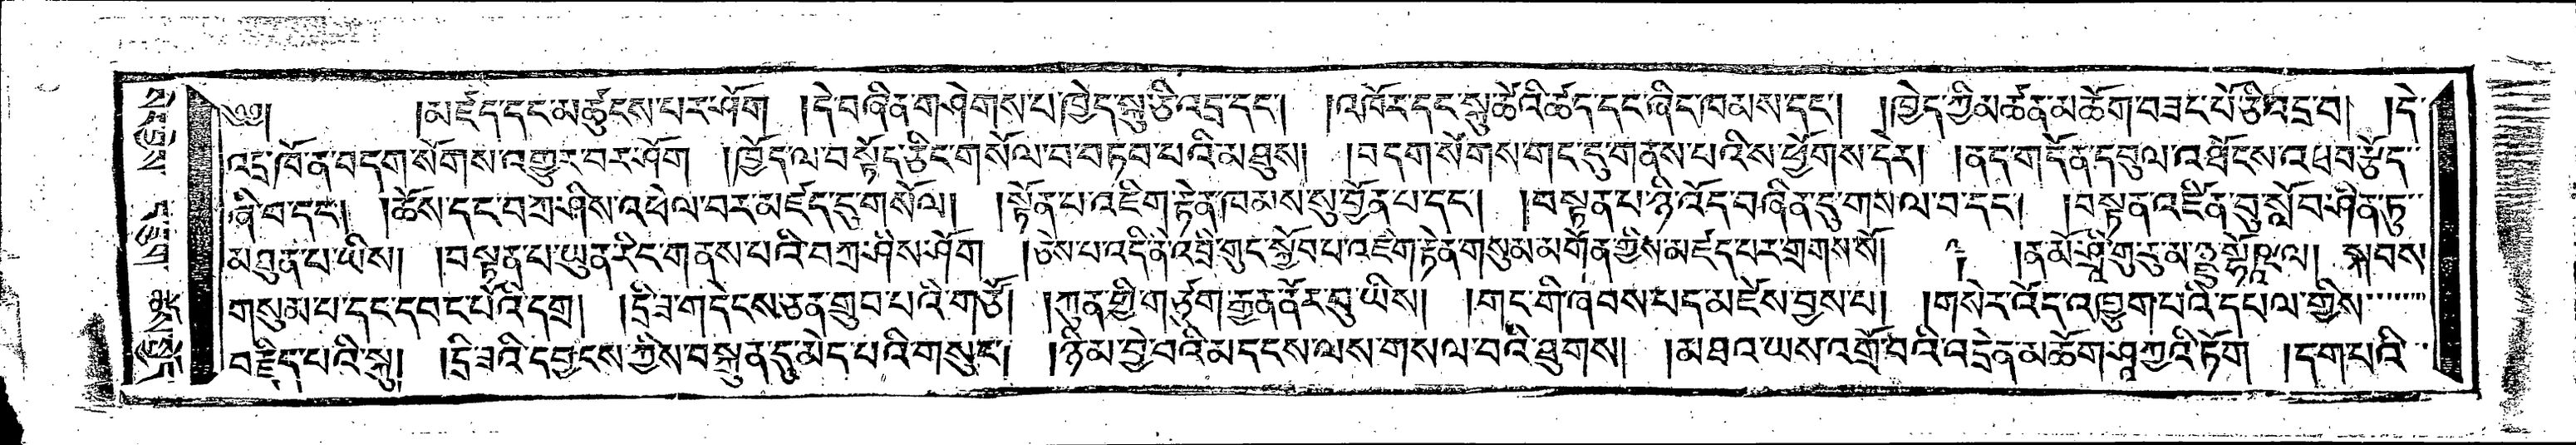༄༅། །མཛད་དང་མཚུངས་པར་ཤོག །དེ་བཞིན་གཤེགས་པ་ཁྱེད་སྐུ་ཅི་འདྲ་དང་། །འཁོར་དང་སྐུ་ཚེའི་ཚད་དང་ཞིང་ཁམས་དང་། །ཁྱེད་ཀྱི་མཚན་མཆོག་བཟང་པོ་ཅི་འདྲ་བ། །དེ་
འདྲ་ཁོ་ན་བདག་སོགས་འགྱུར་བར་ཤོག །ཁྱོད་ལ་བསྟོད་ཅིང་གསོལ་བ་བཏབ་པའི་མཐུས། །བདག་སོགས་གང་དུ་གནས་པའི་ས་ཕྱོགས་དེར། །ནད་གདོན་དབུལ་འཐོངས་འཐབ་རྩོད་
ཞི་བ་དང་། །ཆོས་དང་བཀྲ་ཤིས་འཕེལ་བར་མཛད་དུ་གསོལ། །སྟོན་པ་འཇིག་རྟེན་ཁམས་སུ་བྱོན་པ་དང་། །བསྟན་པ་ཉི་འོད་བཞིན་དུ་གསལ་བ་དང་། །བསྟན་འཛིན་བུ་སློབ་ཤིན་ཏུ་
མཐུན་པ་ཡིས། །བསྟན་པ་ཡུན་རིང་གནས་པའི་བཀྲ་ཤིས་ཤོག །ཅེས་པ་འདི་ནི་འབྲི་གུད་སྐྱོབ་པ་འཇིག་རྟེན་གསུམ་མགོན་གྱིས་མཛད་པར་གྲགས་སོ། ༈ །ན་མོ་ཤྲཱི་གུ་རུ་མ་ཉྫུ་གྷོ་ཥཱ་ལ། སྐབས་
གསུམ་པ་དང་དབང་པོའི་དགྲ། །དྲི་ཟ་གདེངས་ཅན་གྲུབ་པའི་གཙོ། །ཀུན་གྱི་གཙུག་རྒྱན་ནོར་བུ་ཡིས། །གང་གི་ཞབས་པད་མཛེས་བྱས་པ། །གསེར་འོད་འཁྱུག་པའི་དཔལ་གྱིས་
བརྗིད་པའི་སྐུ། །དྲི་ཟའི་དབྱངས་ཀྱིས་བསྐྲུན་དུ་མེད་པའི་གསུང་། །ཉི་མ་བྱེ་བའི་མདངས་ལས་གསལ་བའི་ཐུགས། །མཐའ་ཡས་འགྲོ་བའི་འདྲེན་མཆོག་ཤཱཀྱའི་ཏོག །དག་པའི་